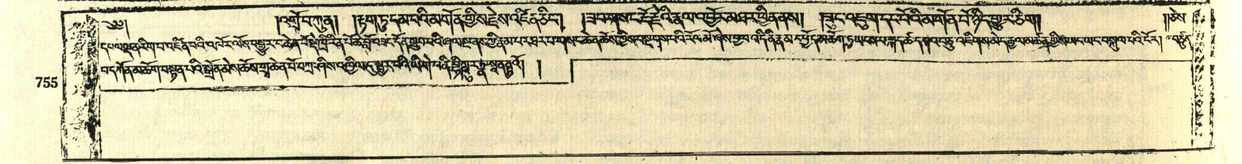༄༅། །འགྲོ་བ་ཀུན། །རྟག་ཏུ་དམ་པའི་མགོན་གྱིས་རྗེས་འཛིན་ཅིང་། །ཟབ་གསང་རྡོ་རྗེའི་རྣལ་འབྱོར་མཐར་ཕྱིན་ནས། །ཟུང་འཇུག་དང་བོའི་མགོན་པོ་ཉིད་གྱུར་ཅིག། །།ཅེས་
དཔལ་ལྡན་རིག་པ་འཛིན་པའི་འཁོར་ལོས་བསྒྱུར་བ་ཆེན་པོ་སྡེ་ཁྲི་རིན་པོ་ཆེ་བློ་བཟང་དོན་གྲུབ་པའི་ཞལ་སྔ་ནས་ཀྱི་རྣམ་པར་ཐར་པ་གསང་ཆེན་ཆོས་ཀྱིས་བསྔགས་པའི་རོལ་མོ་ཞེས་བྱ་བ་འདི་ནི་རྣམ་དཔྱོད་མཆོག་ཏུ་ཡངས་པ་སྐད་ཚ་དགའ་བཅུ་འཇིགས་མེད་རྒྱལ་མཚན་གྱིས་ཐང་ཡང་བསྐུལ་པའི་ངོར། བཙུན་
བ་དཀོན་མཆོག་བསྟན་པའི་སྒྲོན་མེས་ཆོས་གྲྭ་ཆེན་པོ་བཀྲ་ཤིས་འཁྱིལ་དུ་སྦྱར་བའི་ཡི་གེ་པ་ནི་བྷིཀྵུ་རཏྣ་སཱནཏའོ། །